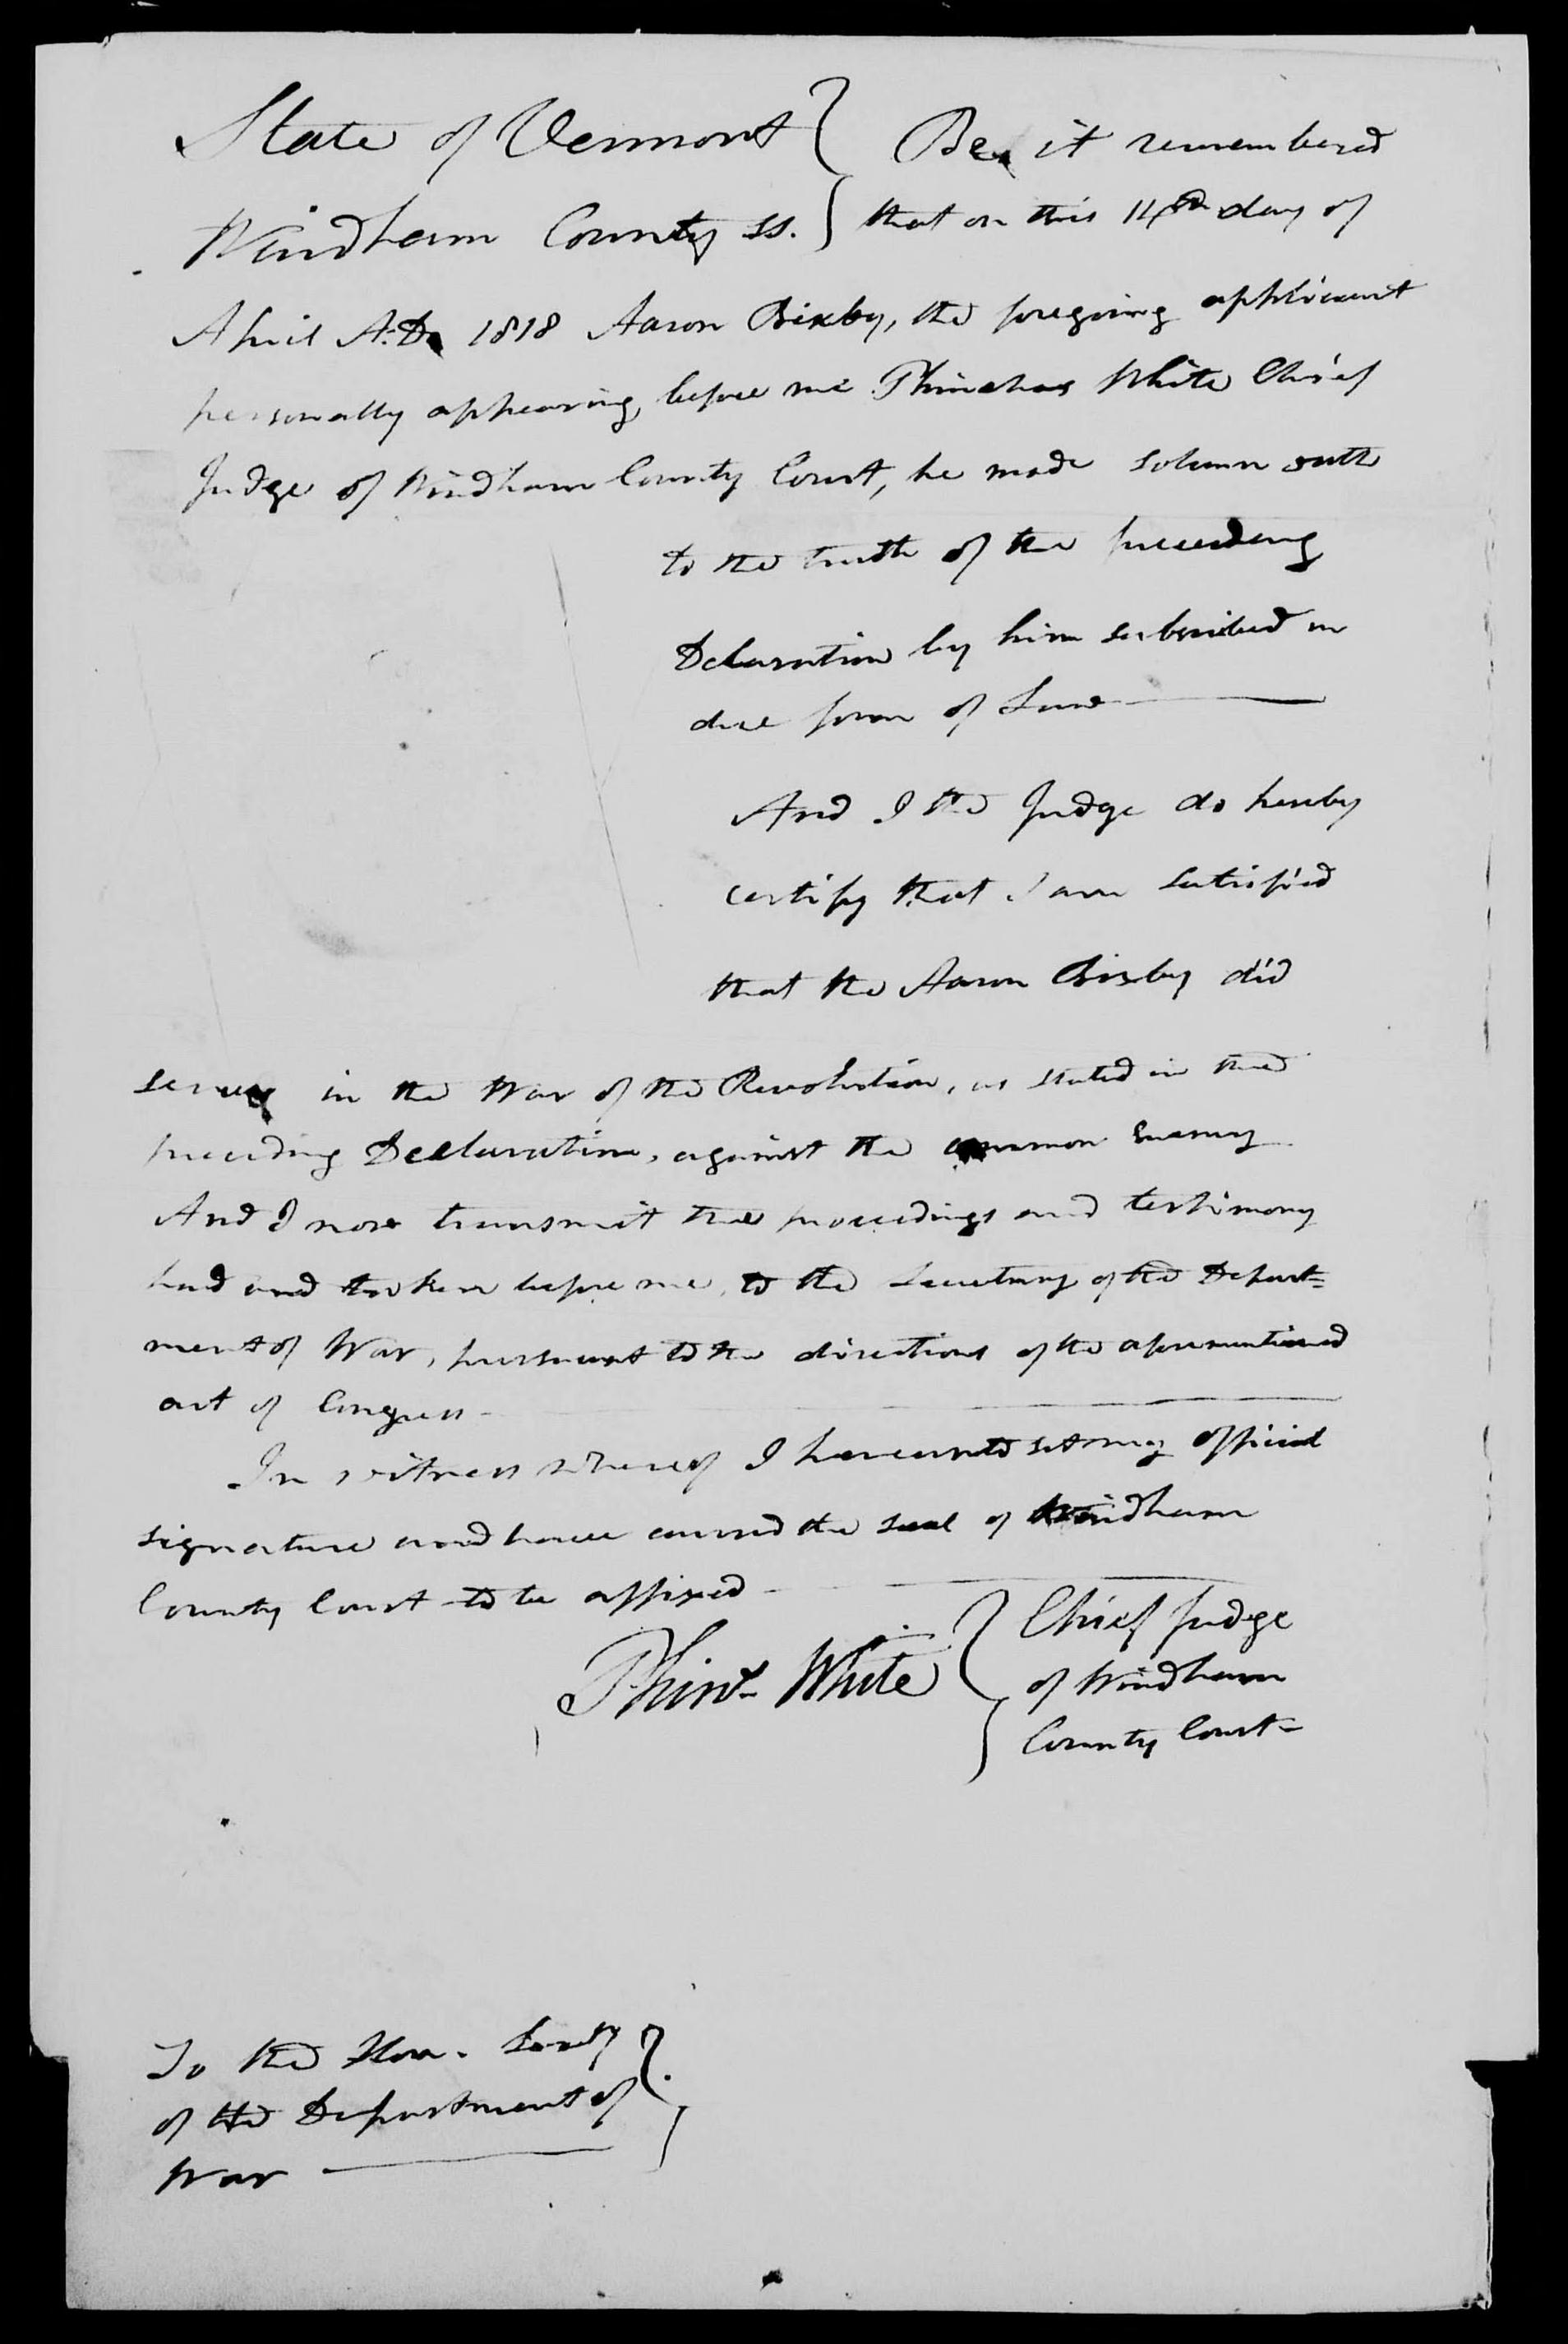State of Vermont
Windham County ss.
Be it remembered that on this 11th day of April A.D. 1818 Aaron Bixby, the foregoing applicant personally appearing, before me Phinehas White Chief Judge of Windham County Court, he made Solemn oath to the truth of the preceeding Declaration by him submitted in due form of same
[seal affixed on left]
And I the Judge do hereby certify that I am satisfied that the Aaron Bixby did serve in the War of the Revoltion, as stated in the prededing Declaration, against the common Enemy  And I now transmit the proceedings and testimony had and to him before me, to the Secretary of the Department of War, pursuant to the directions of the aforementioned act of Congress
In witness whereof I hereunto set my official signature and have earned the seal of Windham County Court to the affixed 
[signed on right] Phin.s White
Chief Judge
of Windham
County Court -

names: Phins White, Aaron Bixby, Aaron Bixby, Phinehas White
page: 4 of 17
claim: survivor's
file: S 41436, Aaron Bixby, N.H.